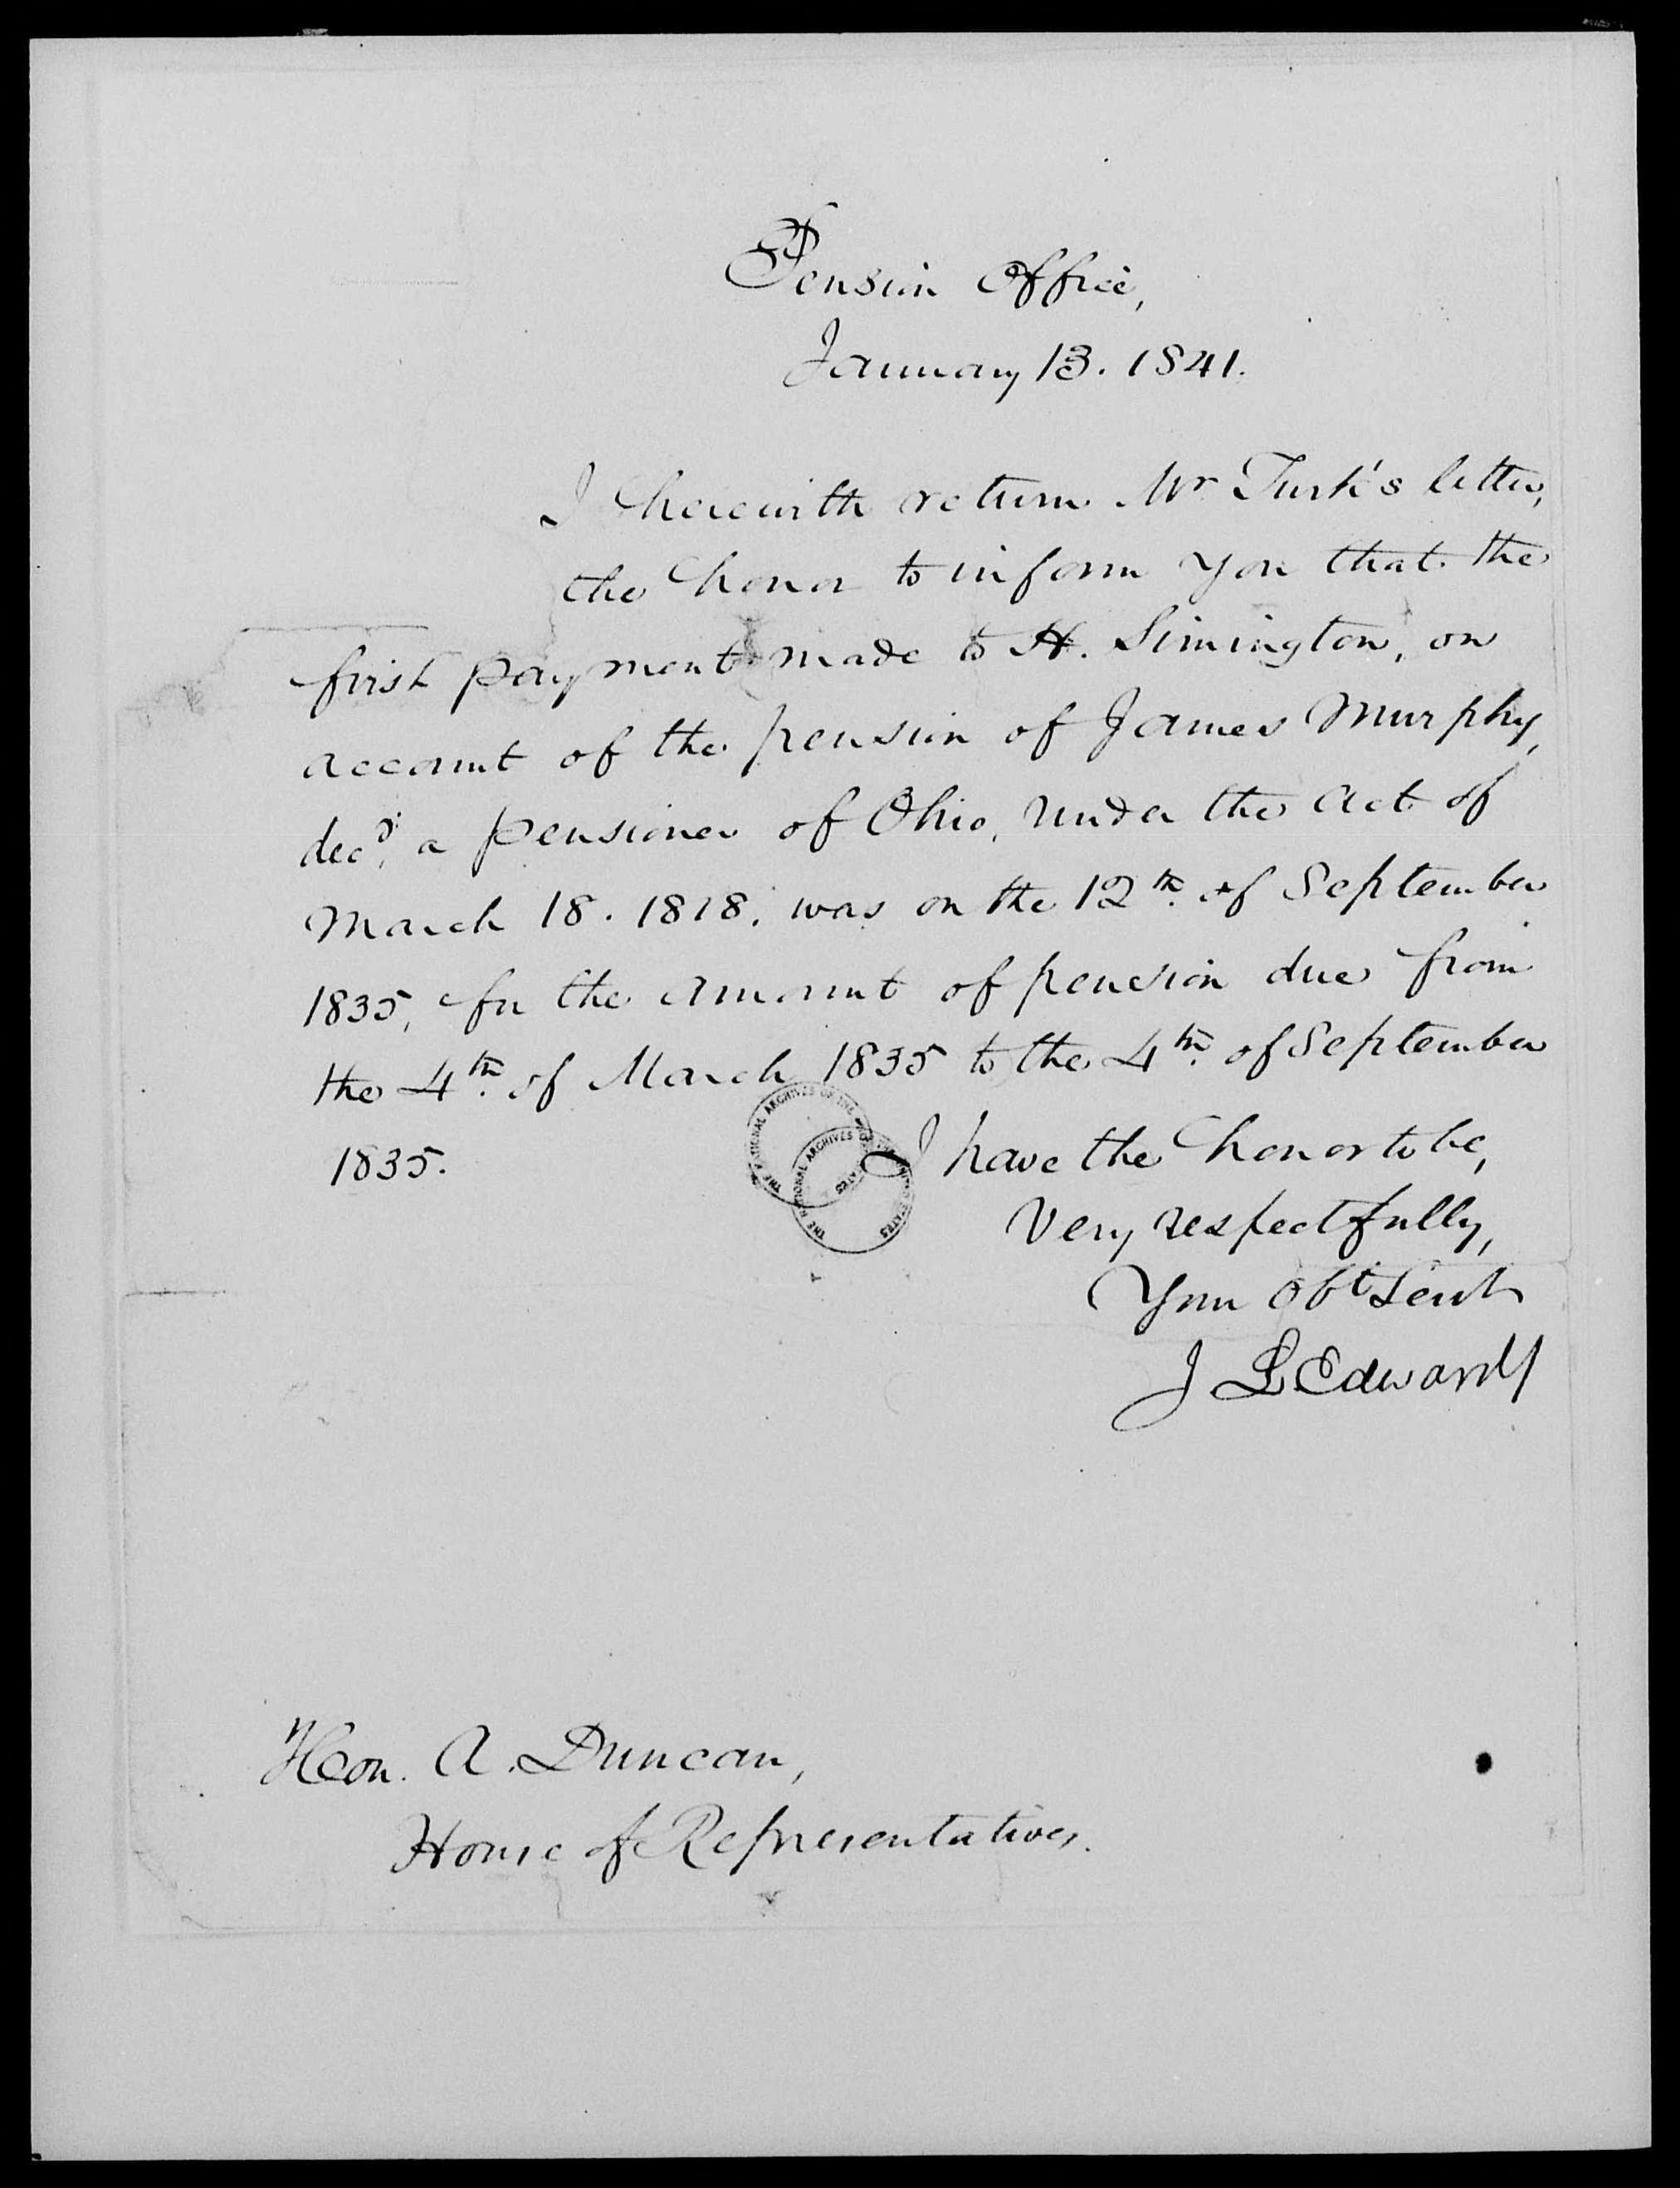Pension Office
January 13. 1841

I herewith return Mr Turk's letter
the honor to inform you that the
first payment made to H. Simington, on
account of the pension of James Murphy
decd, a pensioner of Ohio, under the Act of
March 18, 1818, was on the 12th of September
1835, for the amount of pension due from
the 4th of March 1835 to the 4th of September
1835.
I have the honor to be
Very respectfully,
Your Obt Sert
J L Edwards /s/


Hon A. Duncan
House of Representatives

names: A Duncan; H Simington; [BLANK] Turk; James Murphy; J L Edwards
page: 32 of 57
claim: widow's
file: W. 25,739, for James Murphey, Pennsylvania